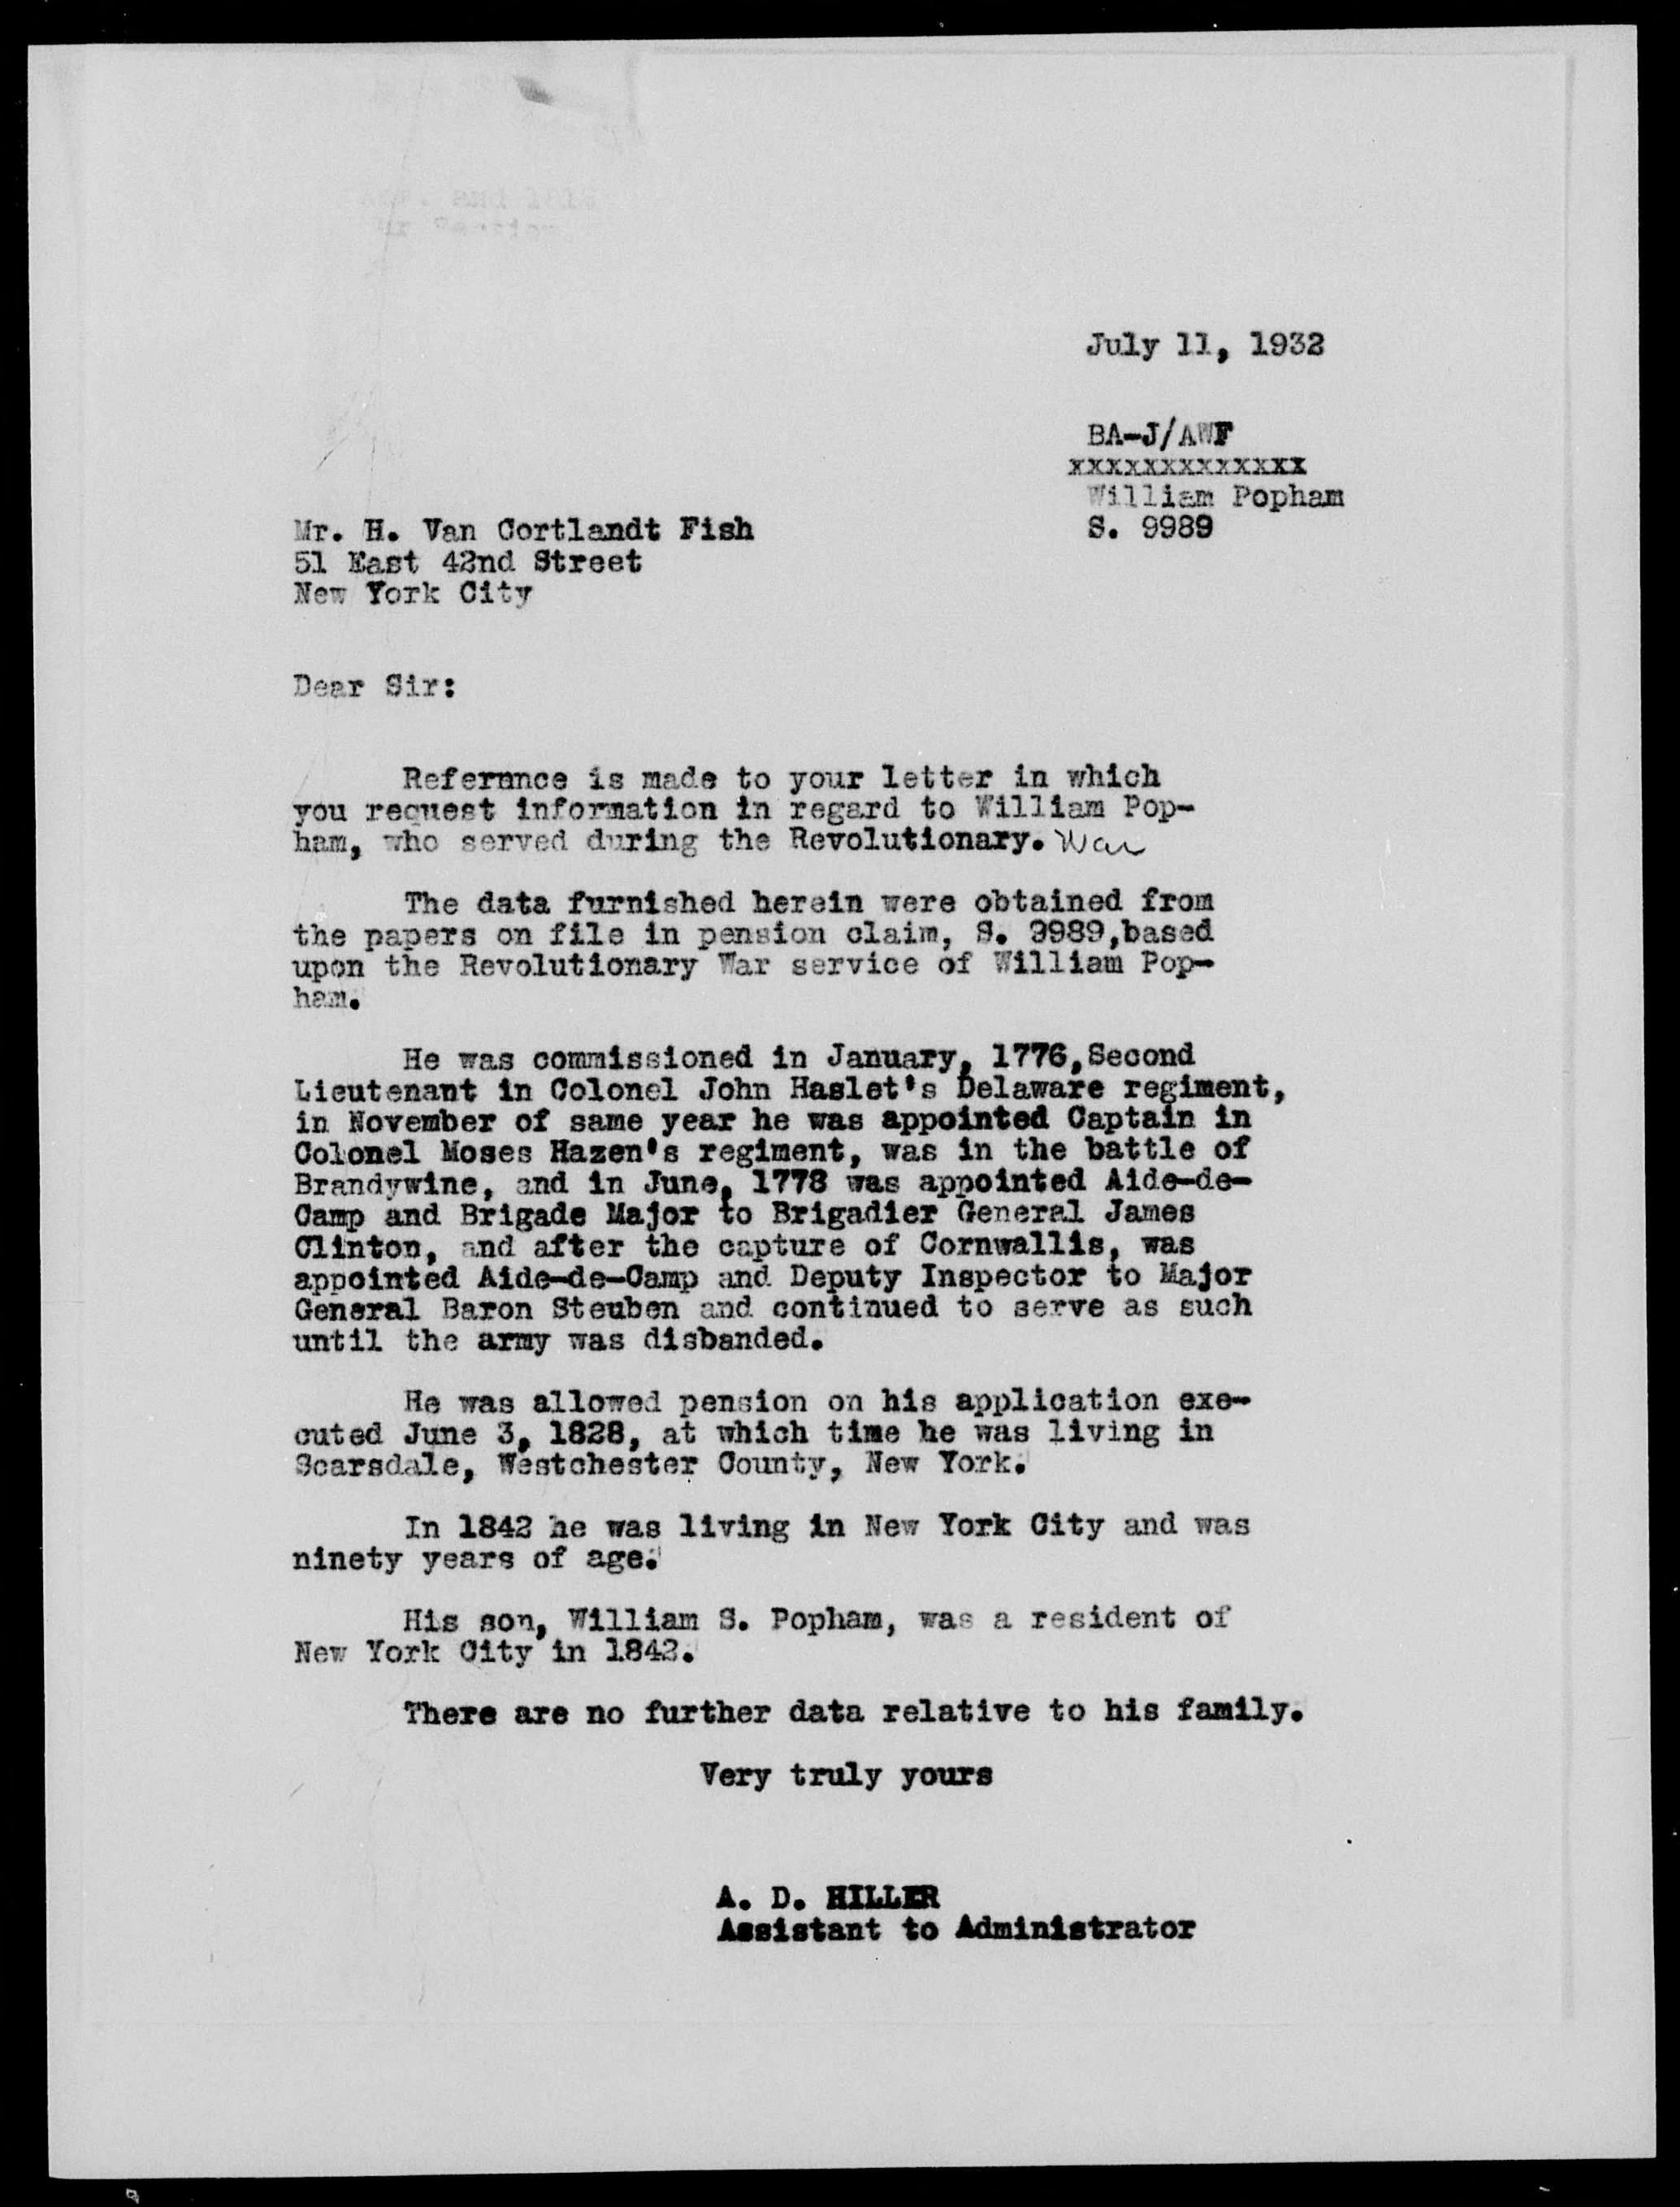July 11, 1932
BA-J/AWF
XXXXXXXXXXXXX
William Popham
S. 9989
Mr. H. Van Cortlandt Fish
51 East 42nd Street
New York City
Dear Sir:
Reference is made to your letter in which
you request information in regard to William Popham, who served during the Revolutionary War
The data furnished herein were obtained from
ham.
the papers on file in pension claim, S.9989, based
upon the Revolutionary War service of William Popham.
He was commissioned in January, 1776, Second
Lieutenant in Colonel John Haslet's Delaware regiment,
in November of same year he was appointed Captain in
Colonel Moses Hazen's regiment, was in the battle of
Brandywine, and in June, 1778 was appointed Aide-de-
Camp and Brigade Major to Brigadier General James
Clinton, and after the capture of Cornwallis, was
appointed Aide-de-Camp and Deputy Inspector to Major General
Baron Steuben and continued to serve as such
until the army was disbanded.
He was allowed pension on his application executed
June 3, 1828, at which time he was living in
Scarsdale, Westchester County, New York.
In 1842 he was living in New York City and was
ninety years of age.
His son, William S. Popham, was a resident of
New York City in 1842.
There are no further data relative to his family.
Very truly yours
A. D. HILLER
Assistant to Administrator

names: A D Hiller; William Popham; William S Popham; James Clinton; H Van Cortlandt Fish; [BLANK] Cornwallis; Baron Steuben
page: 7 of 75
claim: survivor's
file: S. 9989, for William Popham, Delaware